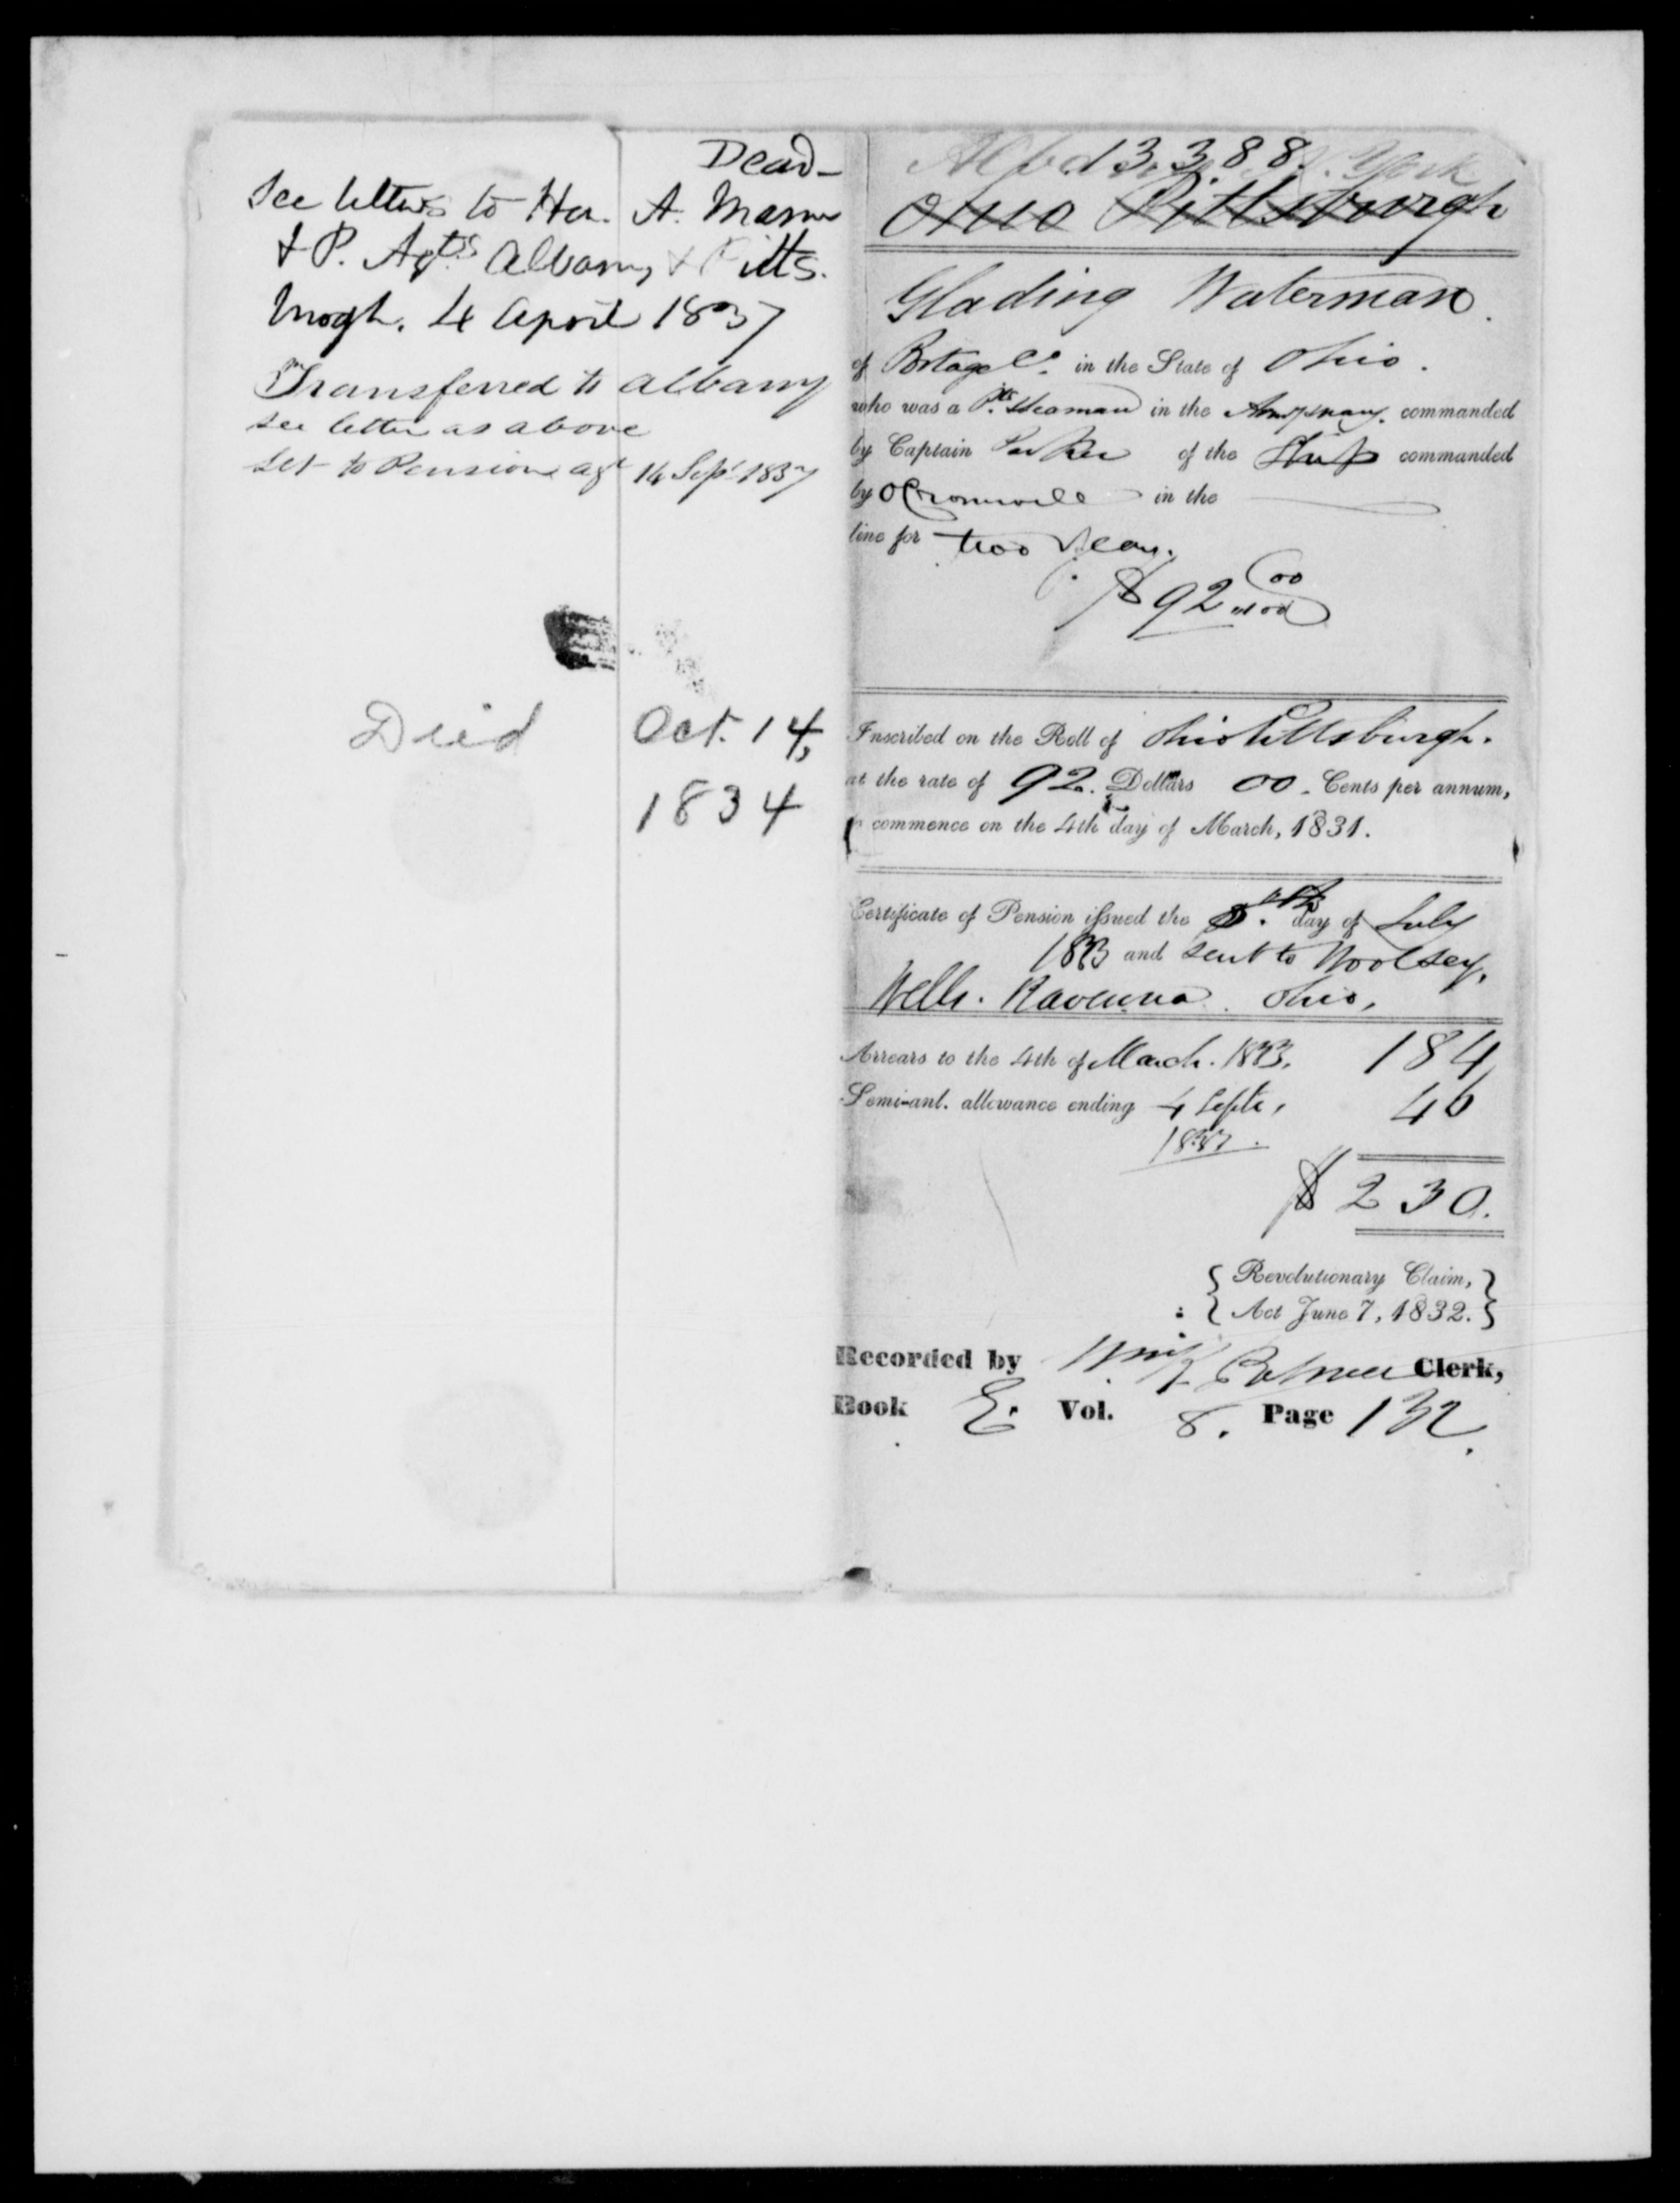13388
Ohio Pittsburgh (crossed out)
________________________________
Glading Waterman
of Portage C. in the State of Ohio, who was a P. Seaman in the Army/Navy commanded by Captain Parker of the Ship commanded by O Cromwell in the _______________line for two years.
$92. 00
________________________________________________
Inscribed on the Roll of Ohio Pittsburgh at the rate of 92 Dollars 00 Cents per annum, to commence on the 4th day of March 1831.
_________________________________________________
Certificate of Pension issued the [   ] day of July 18[]3 and sent to Woolsey Wells.  Ravenna Ohio.
__________________________________________________
Arrears to the 4th of March 18[]3      184
Semi-anl. allowance ending 
4 Sept 1837                                           46
                                                            _____
                                                           $230
{Revolutionary Claim}
{Act June 7, 1832}

Recorded by Wm R Palmer   Clerk
Book E    Vol. 8.    Page 132   

(Left side Page)
Dead - 
See Letters to Hon. A Marm 
& P. Acts Albany & Pittsburgh.
4 April 1837
Transferred to Albany
see letter as above
Let to Pension agt 14 Sept 1837

Died Oct. 14, 1834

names: Woolsey Wells, Parker, A Marm, Glading Waterman, Wm R Palmer, O Cromwell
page: 3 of 50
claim: widow's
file: W. 15814, Glading Waterman, Conn. Conn. Sea Service Continental